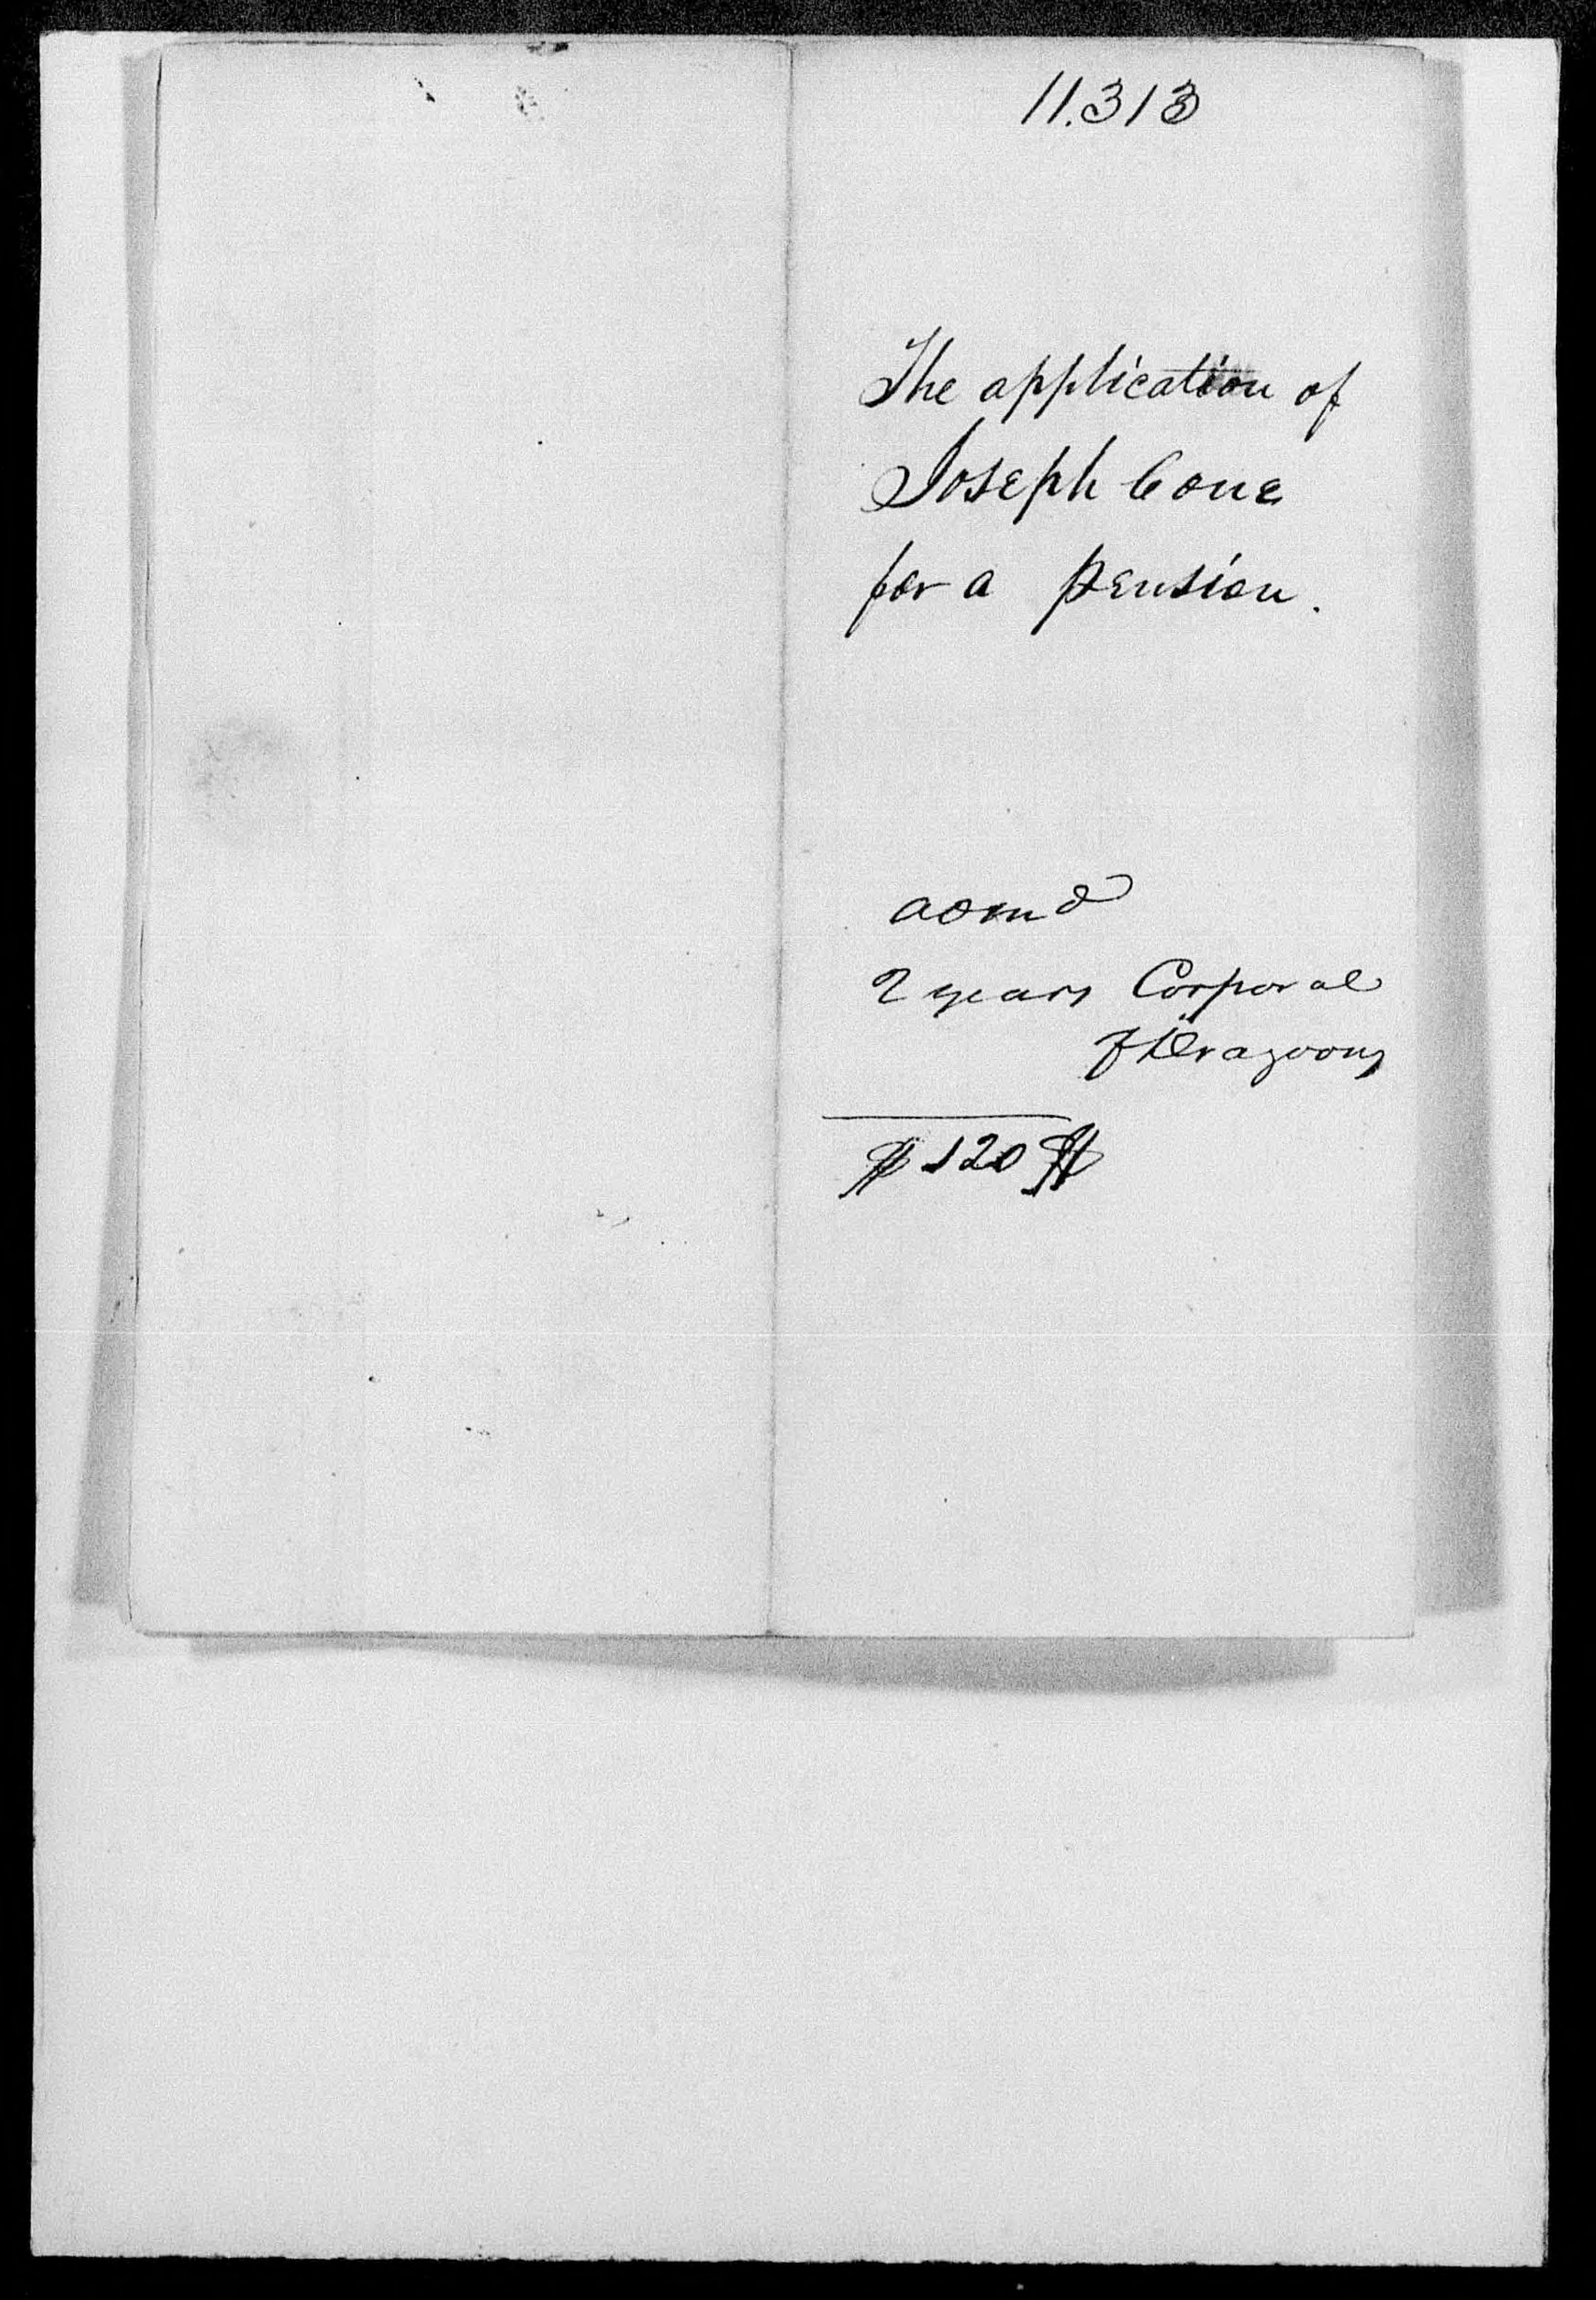11.313

The application of Joseph Cone for a pension.

admd
2 Years Corporal 
of Dragoons

$120 [illegible]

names: Joseph Cone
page: 3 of 28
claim: survivor's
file: S. 12569, Joseph Cone, Conn Continental